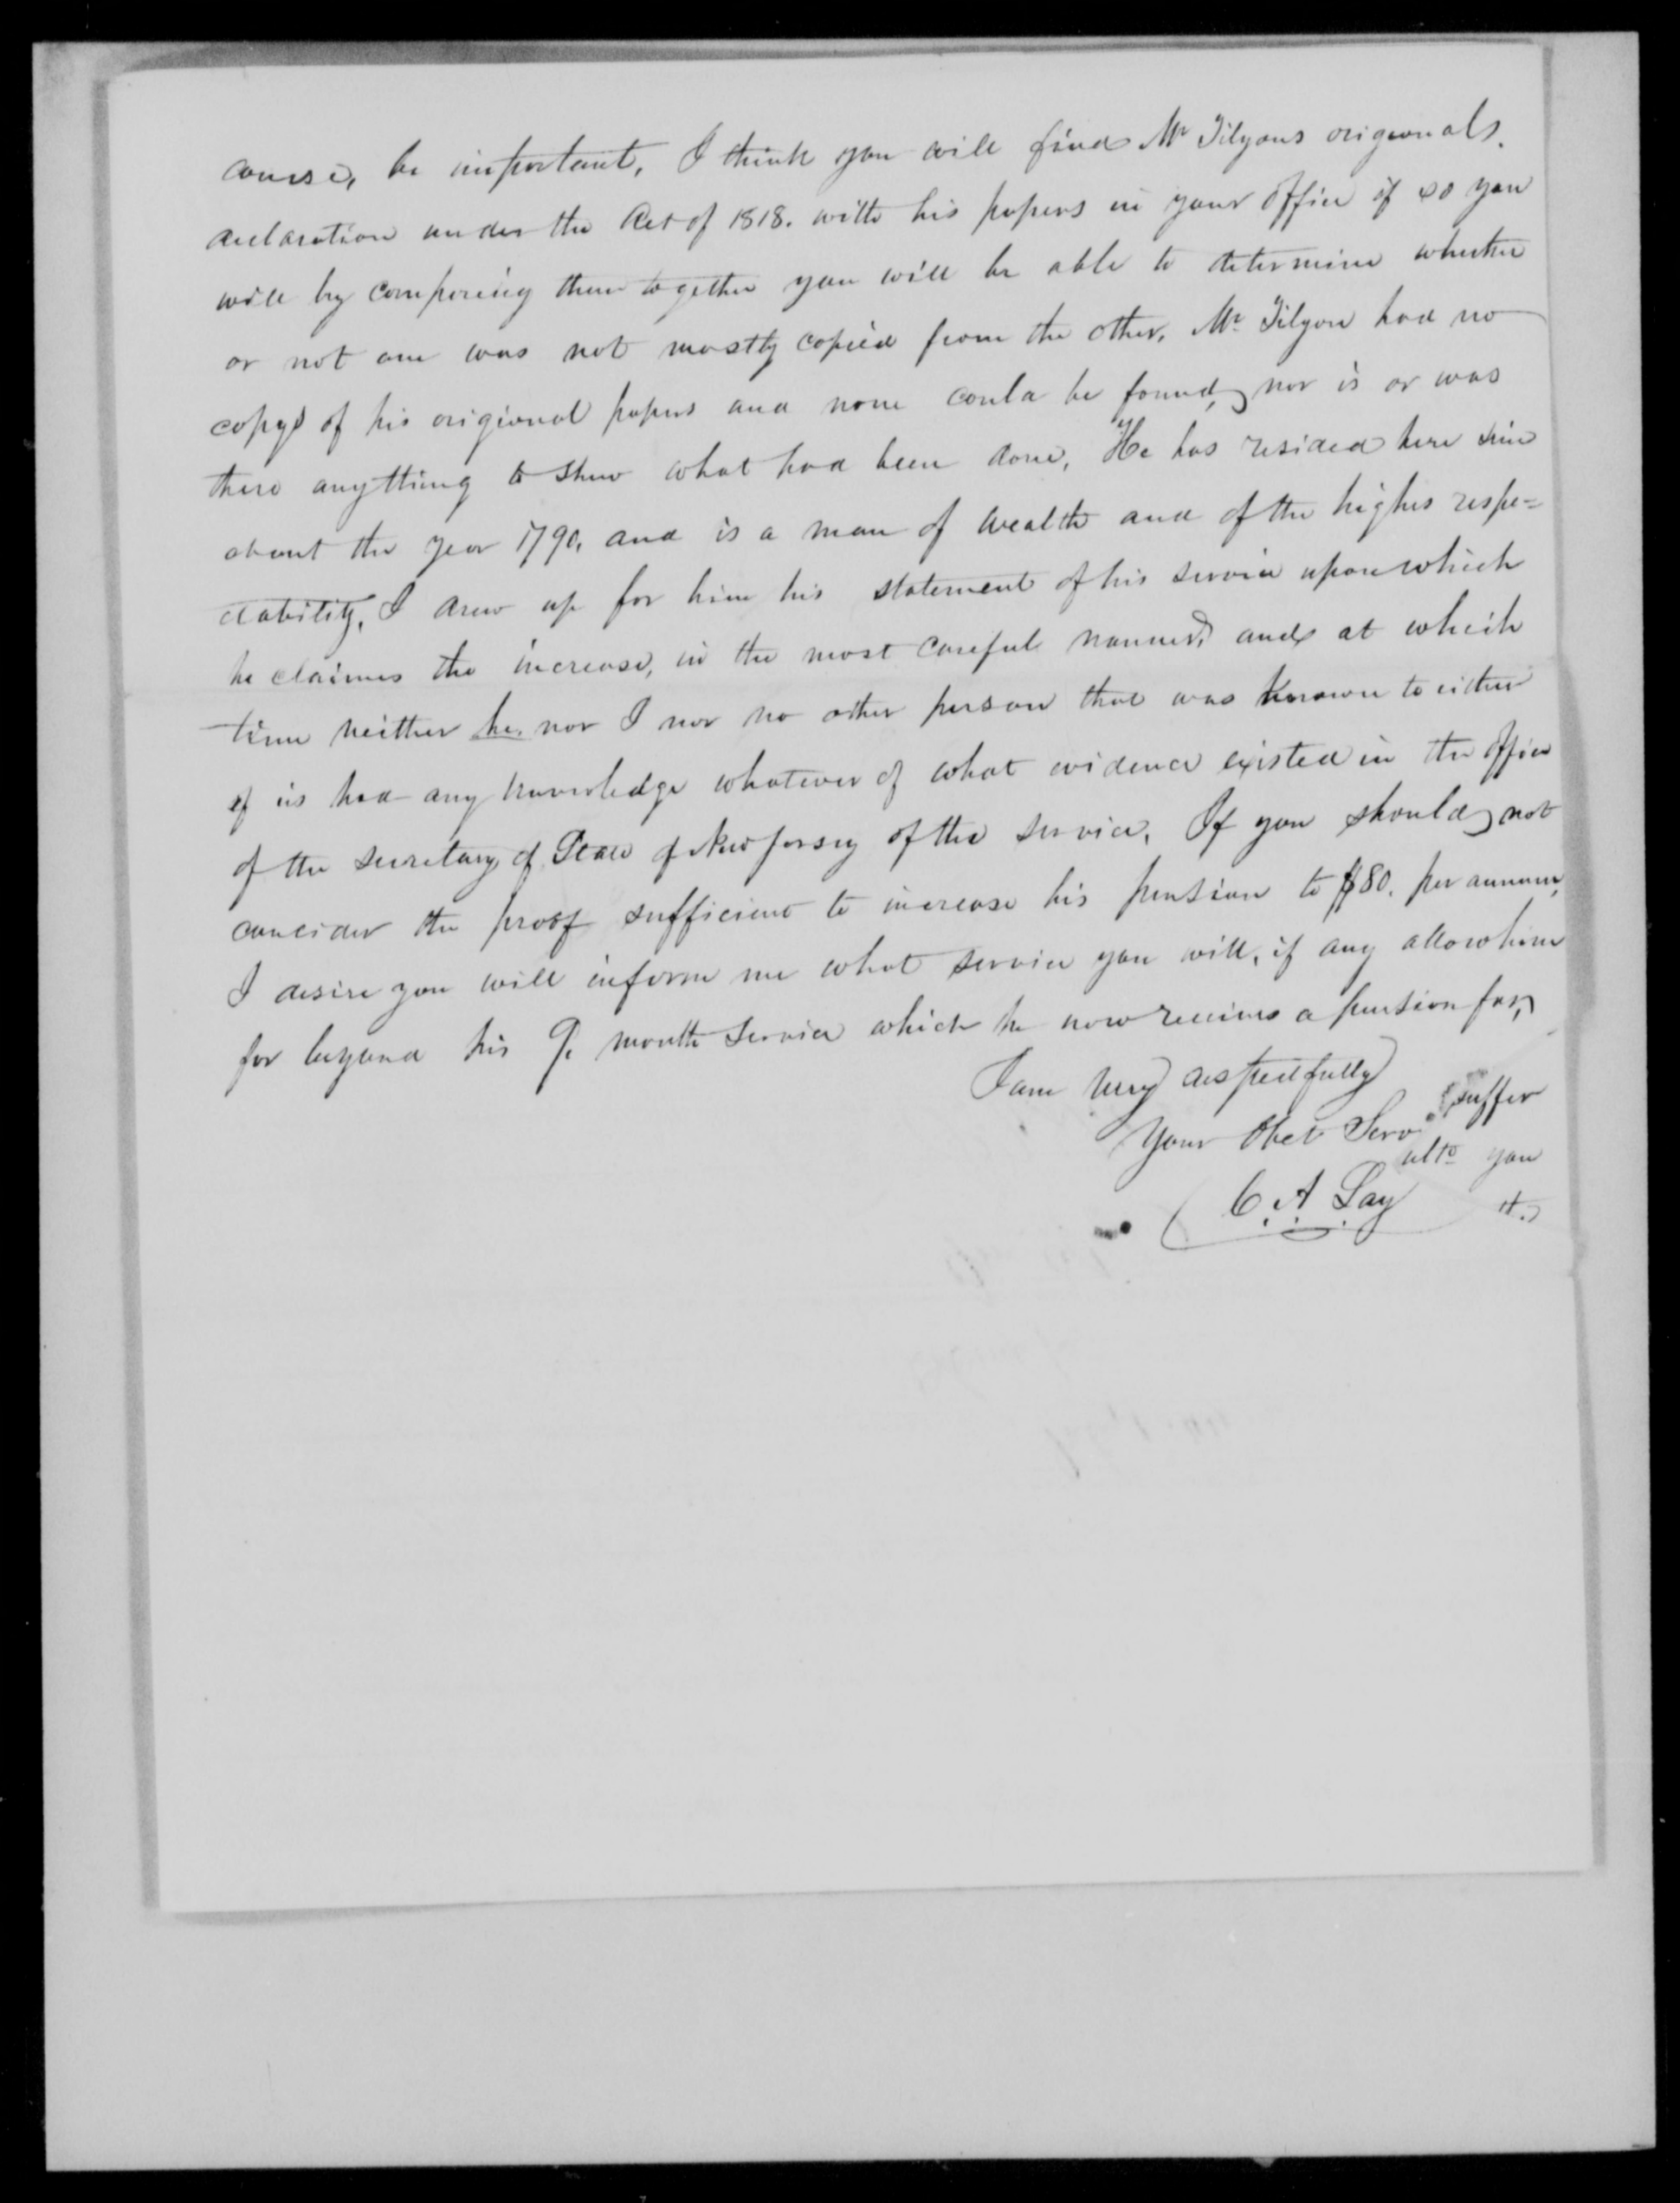course, be important, I think you will find Mr. Tilyous original declaration under the Act of 1818. with his papers in your office if so you will by comparing them together you will be able to determine whether or not one was not mostly copied from the other.Mr. Tilyou had no copys of his original papers and none could be found nor is or was there anything to shew what had been done. He had resided here since about the year 1790. and is a man of wealth and of the highes respectability. I drew up for him his statements of his service upon which he claims the increases in the most careful manner, and at which time neither he nor I now no other person that was known to either of us had any knowledge whatever of what evidence existed in the office of the Secretary of State of New Jersey of this service, If you should not consider the proof sufficient to increase his pension to $80. per annum I desire you will inform me what service you will, if any allow him for beyond his 9. month service which he now receives a pension for,

I am very respectfully
Your Obed ServC.A.Lay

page: 90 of 101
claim: widow's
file: W. 25481, for Peter V Tilyou, New Jersey